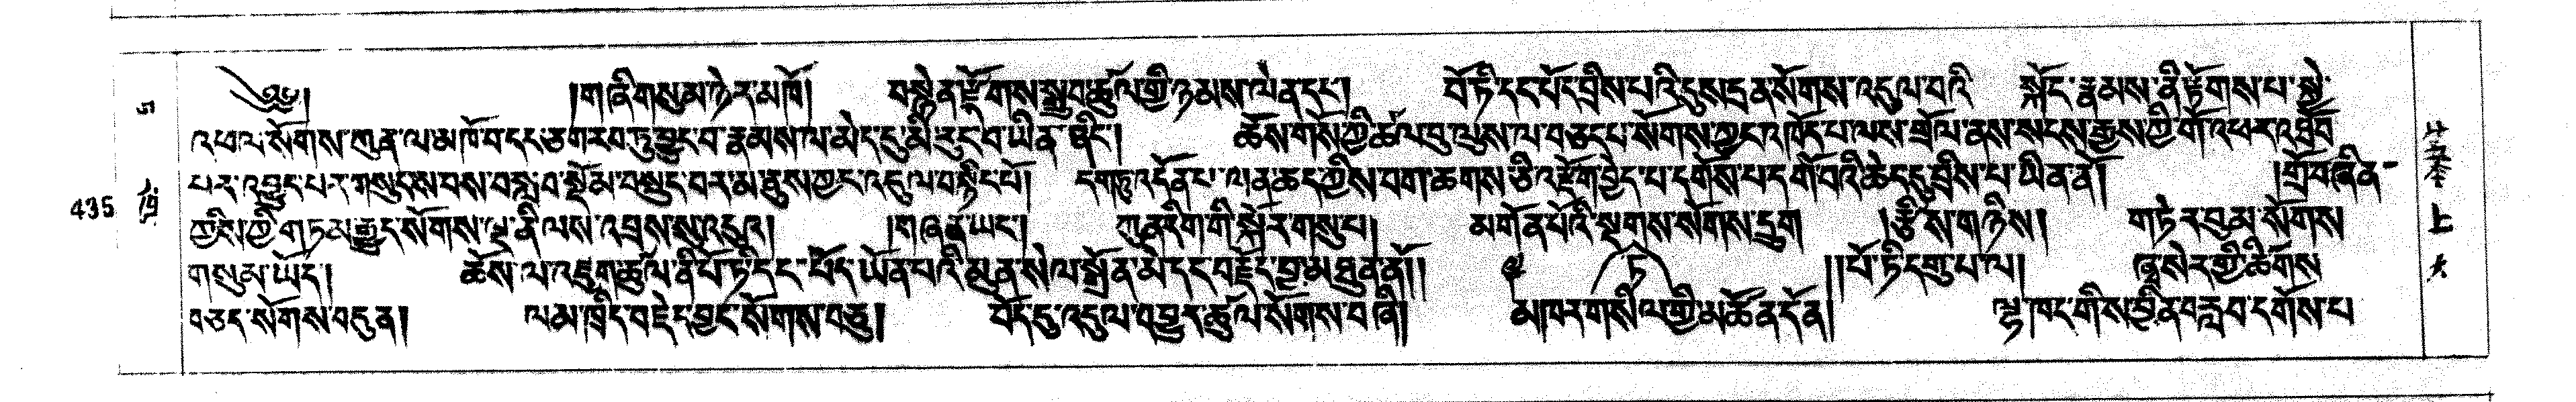༄༅། །གཞི་གསུམ་ཉེར་མཁོ། བསྙེན་རྫོགས་སྒྲུབ་ཚུལ་གྱི་ཉམས་ལེན་དང་། བོ་ཏི་དང་པོང་བྲིས་པའི་དུས་དྲན་སོགས་འདུལ་བའི་སྐོང་རྣམས་ནི་རྟོགས་པ་སྐྱེ་
འཕལ་སོགས་ཀུན་ལ་མཁོ་བ་དང་ཅག་རབ་ཏུ་བྱུང་བ་རྣམས་ལ་མེད་དུ་མི་རུང་བ་ཡིན་ཞིང་། ཆོས་གོས་ཀྱི་ཚལ་བུ་ལུས་ལ་བཅད་པ་སོགས་ཀྱང་འཁོད་པ་ལས་གྲོལ་ནས་སངས་རྒྱས་ཀྱི་གོ་འཕར་འཐོབ་
པར་འབྱུང་པར་གསུངས་བས་བསླབ་སྡོམ་བསྲུང་བར་མ་ནུས་ཀྱང་འདུལ་བསྙིང་པོ། དག་ཏུ་འདོན་པ་ལན་ཆད་ཀྱིས་བག་ཆགས་ཅི་འྲྫོག་བྱེད་པ་དགོས་པ་དགོས་བའི་ཆེད་དུ་བྲིས་པ་ཡིན་ནོ། །གྲོ་བཞིན་
ཀྱིས་ཀྱི་གཏམ་རྒྱུད་སོགས་ལྔ་ནི་ལས་འབྲས་སུ་འདུའ། །གཞན་ཡང་། ཀུན་རིག་གི་སྐོར་གསུ་པ། མགོན་པོའི་སྔགས་སོགས་དྲུག །རྩིས་གཉིས། གཏེར་བུམ་སོགས་
གསུམ་ཡོད། ཆོས་ལ་འཇུག་ཚུལ་ནི་པོ་ཏི་དང་པོད་ཡོན་པའི་མུན་སེལ་སྒྲོན་མེ་དང་བརྗོད་བྱ་མཐུན་ནོ།། ༈ ཏ྄་།།པོ་ཏི་དགུ་པ་ལ། ཞྭ་སེར་གྱི་ཚིགས་
བཅད་སོགས་བདུན། ལམ་ཁྲིད་བྗེད་བྱང་སོགས་བཅུ། བོད་དུ་འདུལ་བ་བྱུར་ཚུལ་སོགས་བཞི། མཁར་གསིལ་གྱི་མཚོན་དོན། ལྷ་ཁང་གིས་བྱིན་བརླབ་དགོས་པ་